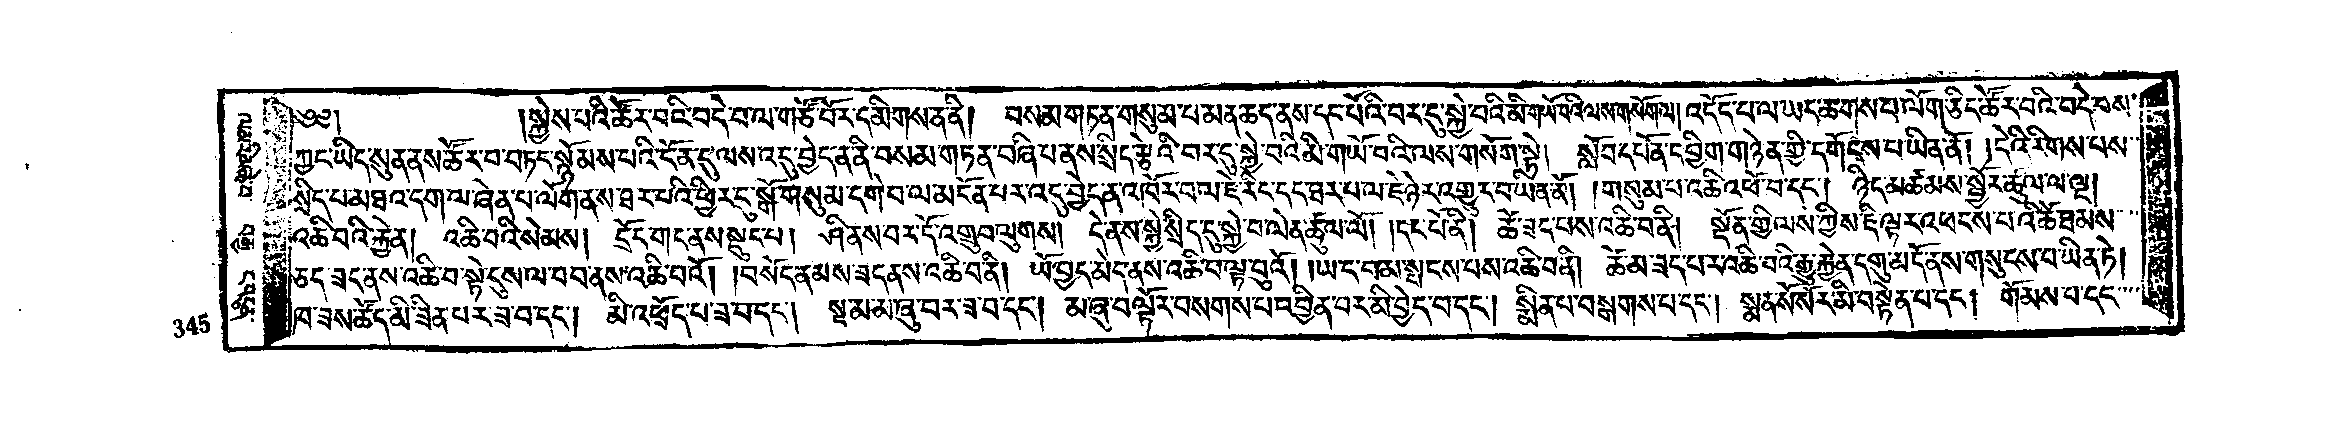༄༅། །སྐྱེས་པའི་ཚོར་བའི་བདེ་བ་ལ་གཙོ་བོར་དམིགས་ན་ནི། བསམ་གཏན་གསུམ་པ་མན་ཆད་ནས་དང་པོའི་བར་དུ་སྐྱེ་བའི་མི་གཡོ་བའི་ལས་གསོག་ལ། འདོད་པ་ལ་ཡང་ཆགས་པ་ལོག་ཅིང་ཚོར་བའི་བདེ་བས་
ཀྱང་ཡིད་སུན་ནས་ཚོར་བ་བཏང་སྙོམས་པའི་དོན་དུ་ལས་འདུ་བྱེད་ན་ནི་བསམ་གཏན་བཞི་པ་ནས་སྲིད་རྩེའི་བར་དུ་སྐྱེ་བའི་མི་གཡོ་བའི་ལས་གསོག་སྟེ། སློབ་དཔོན་དབྱིག་གཉེན་གྱི་དགོངས་པ་ཡིན་ནོ། །དེའི་རིགས་པས་
སྲིད་པ་མཐའ་དག་ལ་ཞེན་པ་ལོག་ནས་ཐར་པའི་ཕྱིར་དུ་སྒོ་གསུམ་དགེ་བ་ལ་མངོན་པར་འདུ་བྱེད་ན་འཁོར་བ་ལ་ཇེ་རིང་དང་ཐར་པ་ལ་ཇེ་ཉེར་འགྱུར་བ་ཡིན་ནོ། །གསུམ་པ་འཆི་འཕོ་བ་དང་། ཉིང་མཚམས་སྦྱོར་ཚུལ་ལ་ལྔ།
འཆི་བའི་རྐྱེན། འཆི་བའི་སེམས། དྲོད་གང་ནས་སྡུད་པ། ཤི་ནས་བར་དོ་འགྲུབ་ལུགས། དེ་ནས་སྐྱེ་སྲིད་དུ་སྐྱེ་བ་ལེན་ཚུལ་ལོ། །དང་པོ་ནི། ཚེ་ཟད་པས་འཆི་བ་ནི། སྔོན་གྱི་ལས་ཀྱིས་ཇི་ལྟར་འཕངས་པའི་ཚེ་ཐམས་
ཅད་ཟད་ནས་འཆི་བ་སྟེ་དུས་ལ་བབ་ནས་འཆི་བའོ། །བསོད་ནམས་ཟད་ནས་འཆི་བ་ནི། ཡོ་བྱད་མེད་ནས་འཆི་བ་ལྟ་བུའོ། །ཡང་བ་མ་སྤངས་པས་འཆི་བ་ནི། ཆོ་མ་ཟད་པར་འཆི་བའི་རྒྱུ་རྐྱེན་དགུ་མདོ་ནས་གསུངས་པ་ཡིན་ཏེ།
ཁ་ཟས་ཚོད་མི་ཟིན་པར་ཟ་བ་དང་། མི་འཕྲོད་པ་ཟ་བ་དང་། སྔ་མ་མ་ཞུ་བར་ཟ་བ་དང་། མ་ཞུ་བ་ལྟོར་བསགས་པ་འབྱིན་པར་མི་བྱེད་པ་དང་། སྨིན་པ་བསྒགས་པ་དང་། སྨན་སོ་སོར་མི་བསྟེན་པ་དང་། གོམས་པ་དང་